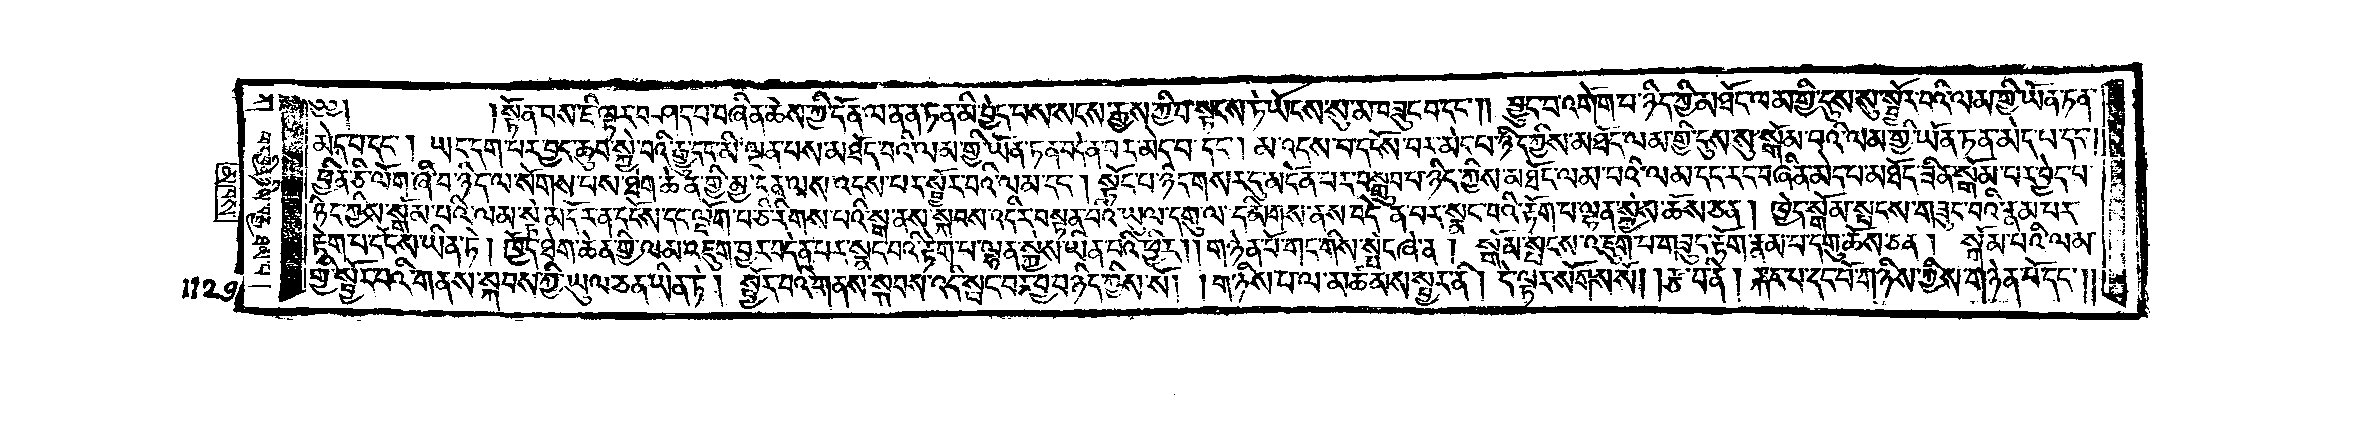༄༅། །སྟོན་པས་ཇི་ལྟར་བཤད་པ་བཞིན་ཆོས་ཀྱི་དོན་ལ་ནན་ཏན་མི་བྱེད་པས་སངས་རྒྱས་ཀྱི་བ་སྟངས་ཏེ་ཡོངས་སུ་མ་བཟུང་བ་དང་། །བྱུང་བ་འགོག་པ་ཉིད་ཀྱི་མཐོང་ལམ་གྱི་དུས་སུ་སྦྱོར་བའི་ལམ་གྱི་ཡོན་ཏན་
མེད་པ་དང་། ཡང་དག་པར་བྱང་ཆུབ་སྐྱེ་བའི་རྒྱུ་དང་མི་ལྡན་པས་མཐོང་བའི་ལམ་གྱི་ཡོན་ཏན་བདེན་པར་མེད་པ་དང་། མ་འདས་པ་དངོས་པར་མེད་པ་ཉིད་ཀྱིས་མཐོང་ལམ་གྱི་དུས་སུ་སྒོམ་པའི་ལམ་གྱི་ཡོན་ཏན་མེད་པ་དང་།
ཕྱིན་ཅི་ལོག་ཞི་བ་ཉིད་ལ་སོགས་པས་ཐེག་ཆེན་གྱི་མྱ་ངན་ལས་འདས་པར་སྦྱོར་བའི་ལམ་དང་། སྟོང་པ་ཉིད་གསར་དུ་མངོན་པར་བསྒྲུབ་པ་ཉིད་ཀྱིས་མཐོང་ལམ་པའི་ལམ་དང་རང་བཞིན་མེད་པ་མཐོང་ཟིན་སྒོམ་པར་བྱེད་པ་
ཉིད་ཀྱིས་སྒོམ་པའི་ལམ་སྟེ་མདོར་ན་དངོས་དང་ལྡོག་པ་ཅི་རིགས་པའི་སྒོ་ནས་སྐབས་འདིར་བསྟན་པའི་ཡུལ་དགུ་ལ་དམིགས་ནས་བདེན་པར་སྣང་བའི་རྟོག་པ་ལྷན་སྐྱེས་ཆོས་ཅན། ཁྱོད་སྒོམ་སྤངས་གཟུང་བའི་རྣམ་པར་
རྟོག་པ་དངོས་ཡིན་ཏེ། ཁྱོད་ཐེག་ཆེན་གྱི་ལམ་འཇུག་བྱར་བདེན་པར་སྣང་བའི་རྟོག་པ་ལྷན་སྐྱེས་ཡིན་པའི་ཕྱིར། །གཉེན་པོ་གང་གིས་སྤོང་ཞེ་ན། སྒོམ་སྤངས་འཇུག་པ་གཟུང་རྟོག་རྣམ་པ་དགུ་ཆོས་ཅན། སྒོམ་པའི་ལམ་
གྱི་སྦྱོར་བའི་གནས་སྐབས་ཀྱི་ཡུལ་ཅན་ཡིན་ཏེ། སྦྱོར་བའི་གནས་སྐབས་འདི་སྤང་བར་བྱ་བ་ཉིད་ཀྱིས་སོ། །གཉིས་པ་ལ་མཚམས་སྦྱར་ནི། དེ་ལྟར་སོགས་སོ། །རྩ་བ་ནི། རྐང་པ་དང་པོ་གཉིས་ཀྱིས་གཉེན་པོ་དང།།